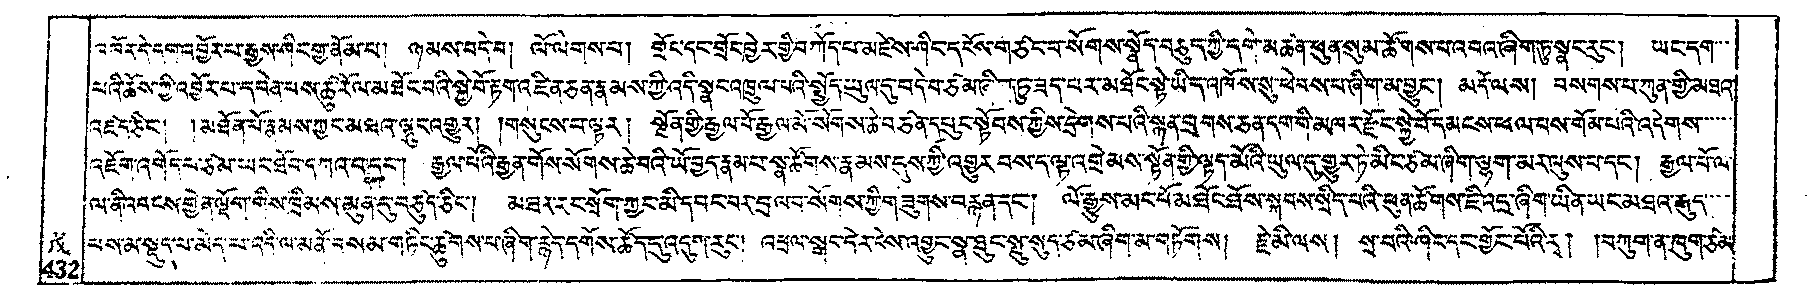འཁོར་དེ་དགའ་འབྱོར་རྒྱས་ཤིང་གྱ་ནོམ་པ། ཉམས་བདེ་བ། ལོ་ལེགས་པ། གྲོང་དང་གྲོང་ཁྱེར་གྱི་བཀོད་པ་མཛེས་ཤིང་དངོས་གཙང་བ་སོགས་སྣོད་བཅུད་ཀྱི་དགེ་མཚན་ཕུན་སུམ་ཚོགས་པ་འབའ་ཞིག་ཏུ་སྣང་རུང་། ཡང་དག་
པའི་ཆོས་ཀྱི་འབྱོར་པ་དབེན་པས་ཚུ་རོལ་མཐོང་བའི་སྐྱེ་བོ་རྟག་འཛིན་ཅན་རྣམས་ཀྱི་འདི་སྣང་འཁྲུལ་པའི་སྤྱོད་ཡུལ་དུ་བདེ་བ་ཙམ་ཞིག་ཏུ་ཟད་པར་མཐོང་སྟེ་ཡིད་འཁོས་སུ་ཕེབས་པ་ཞིག་མ་བྱུང་། མདོ་ལས། བསགས་པ་ཀུན་གྱི་མཐའ་
འཛད་ཅིང་། །མཐོན་པོ་རྣམས་ཀྱང་མཐའ་ལྟུང་འགྱུར། །གསུངས་པ་ལྟར། སྔོན་གྱི་རྒྱལ་པོ་རྒྱལ་མོ་སོགས་ཆེ་བཙན་དཔུང་སྟོབས་ཀྱིས་དྲེགས་པའི་སྙན་གྲགས་ཅན་དག་གི་མཁར་རྫོང་སྐྱེ་བོ་དམངས་ཕལ་པས་གོམ་པའི་འདེགས་
འཇོག་འགོད་པ་ཙམ་ཡང་ཐོབ་དཀའ་བ་དག་དང་། རྒྱལ་པོའི་རྒྱན་གོས་སོགས་ཆེ་བའི་ཡོ་བྱད་རྣམ་པ་སྣ་ཚོགས་རྣམས་དུས་ཀྱི་འགྱུར་བས་ད་ལྟ་འགྲེམས་སྟོན་གྱི་ལྟད་མོའི་ཡུལ་དུ་གྱུར་ཏེ་མིང་ཙམ་ཞིག་ལྷག་མར་ལུས་པ་དང་། རྒྱལ་པོ་ལ་
ལ་ནི་འབངས་གྱེན་ལྡོག་གིས་ཁྲིམས་མུན་དུ་བཙུད་ཅིང་། མཐར་རང་སྲོག་ཀྱང་མི་དབང་བར་བྲལ་བ་སོགས་ཀྱི་གཟུགས་བརྙན་དང་། ལོ་རྒྱུད་མང་པོ་མཐོང་ཐོས་སྐབས་སྲིད་པའི་ཕུན་ཚོགས་ཇི་འདྲ་ཞིག་ཡིན་ཡང་མཐའ་རྒུད་
པས་མ་སྡུད་པ་མེད་པ་འདི་ལ་མནོ་བསམ་གཏིན་གྪུགས་པ་ཞིག་རྙེད་དགོས་ཚོད་དུ་འདུག་རུང་། འཕྲལ་སྒང་དེར་ངེས་འབྱུང་སྣ་ཐུང་སྤུ་སུད་ཙམ་ཞིག་མ་གཏོགས། རྗེ་མི་ལས། སྲ་བའི་ཤིང་དང་གྱོང་པོའི་རྭ། །བཀུག་ན་ཁུག་ཙ་